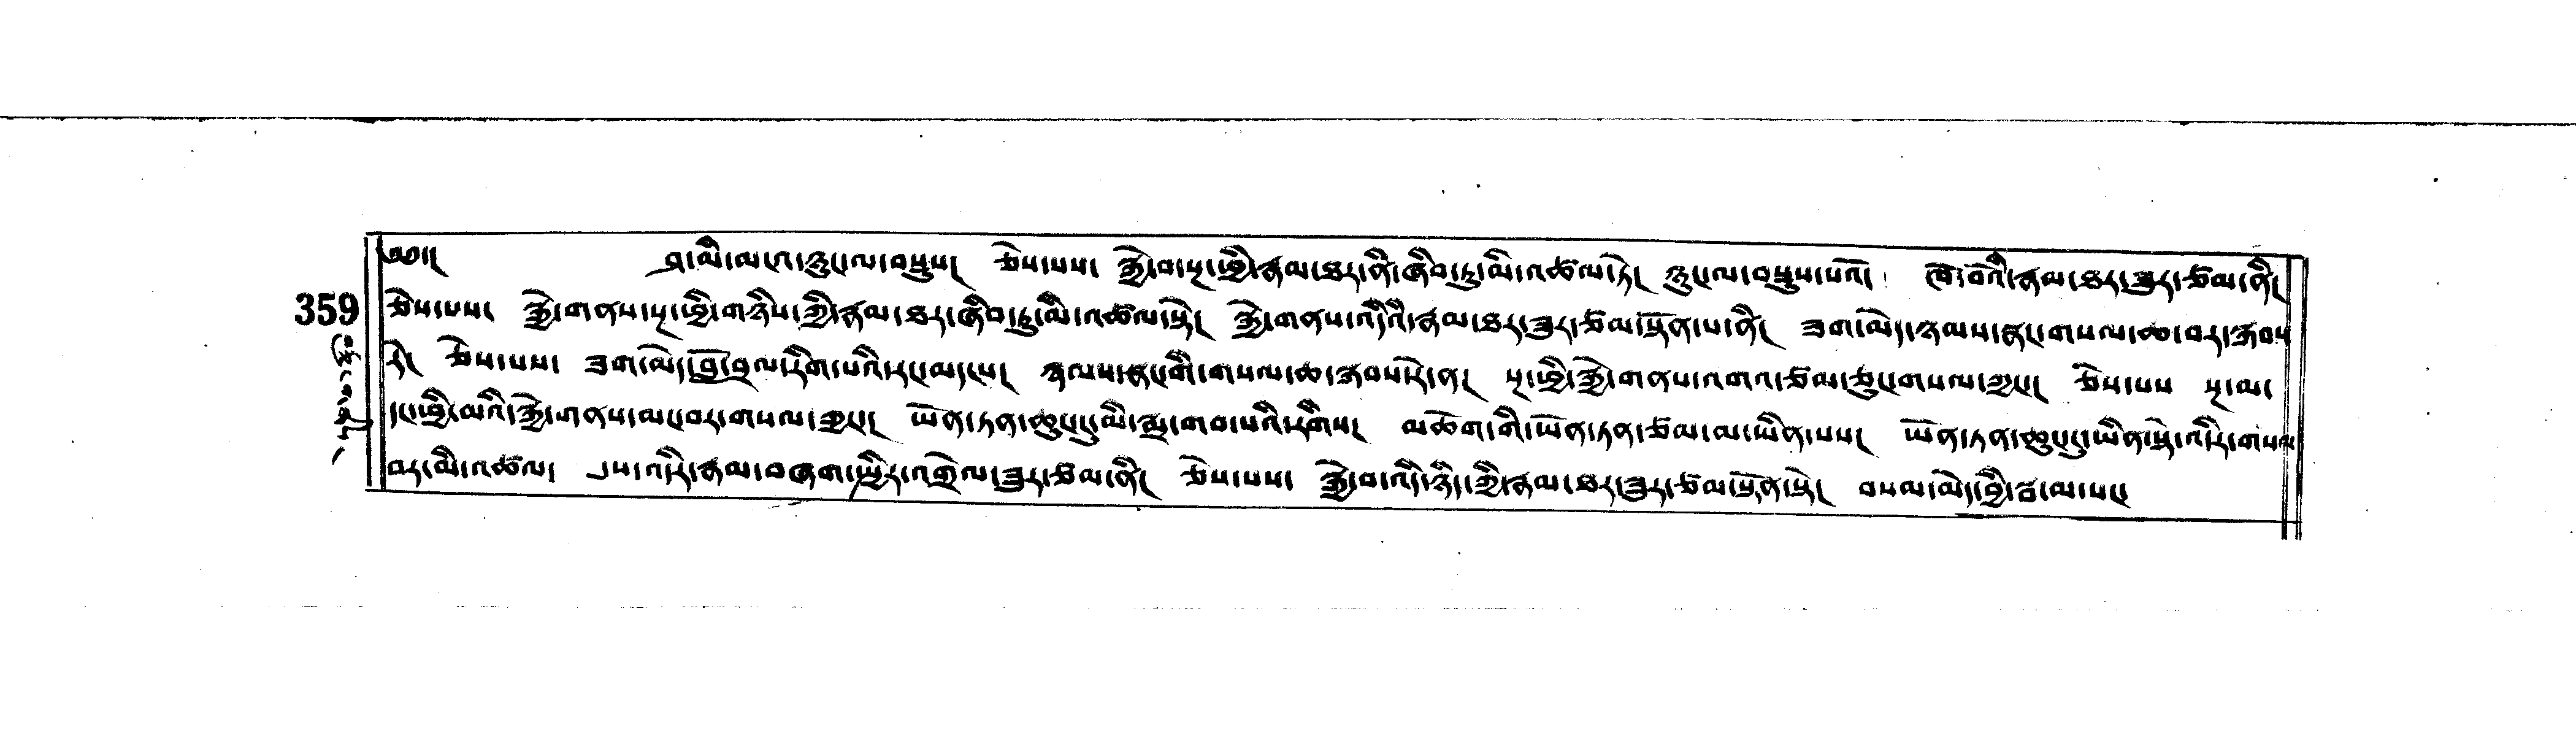ཤ་མི་མངའ་ཉུང་ལ་བསྡུས། ཅེས་པས། སྐྱེ་བ་སྔ་ཕྱི་རྣམ་ཐར་ནི་ཞིབ་ཏུ་མི་འཚལ་ཏེ། ཉུང་ལ་བསྡུས་པའོ། ཁོ་བོའི་རྣམ་ཐར་ཟུར་ཙམ་ནི། 
ཅེས་པས། སྐྱེ་གནས་སྔ་ཕྱི་གཉིས་ཀྱི་རྣམ་ཐར་ཞིབ་ཏུ་མི་འཚལ་ཏེ། སྐྱེ་གནས་འདིའི་རྣམ་ཐར་ཟུར་ཙམ་སྟོན་པ་ནི། ཟག་མེད་ཉམས་སྣང་གསལ་ཆ་བར་སྐབས་
ཏེ། ཅེས་པས། ཟག་མེད་བློ་བྲལ་རིག་པའི་རང་མདངས། ཉམས་སྣང་གི་གསལ་ཆ་སྐབས་རེ་ན། སྔ་ཕྱི་སྐྱེ་གནས་འགའ་ཙམ་ཅུང་གསལ་ཀྱང་། ཅེས་པས། སྔ་མ་
དང་ཕྱི་མའི་སྐྱེ་གནས་མང་བར་གསལ་ཀྱང་། ཡོན་ཏན་ཆུང་ངུ་མི་སྨྲ་གབ་པའི་རིགས། མཆོག་གི་ཡོན་ཏན་ཙམ་མ་ཡིན་པས། ཡོན་ཏན་ཆུང་ངུ་ཡིན་ཏེ་འདིར་གསལ་
བར་མི་འཚལ། དུས་འདིར་རྣམ་གཞག་སྤྱིར་འགྲེལ་ཟུར་ཙམ་ནི། ཅེས་པས། སྐྱེ་བ་འདི་ཉིད་ཀྱི་རྣམ་ཐར་ཟུར་ཙམ་སྟོན་ཏེ། བསམ་མེད་བྱི་སྦ་མ་པང་